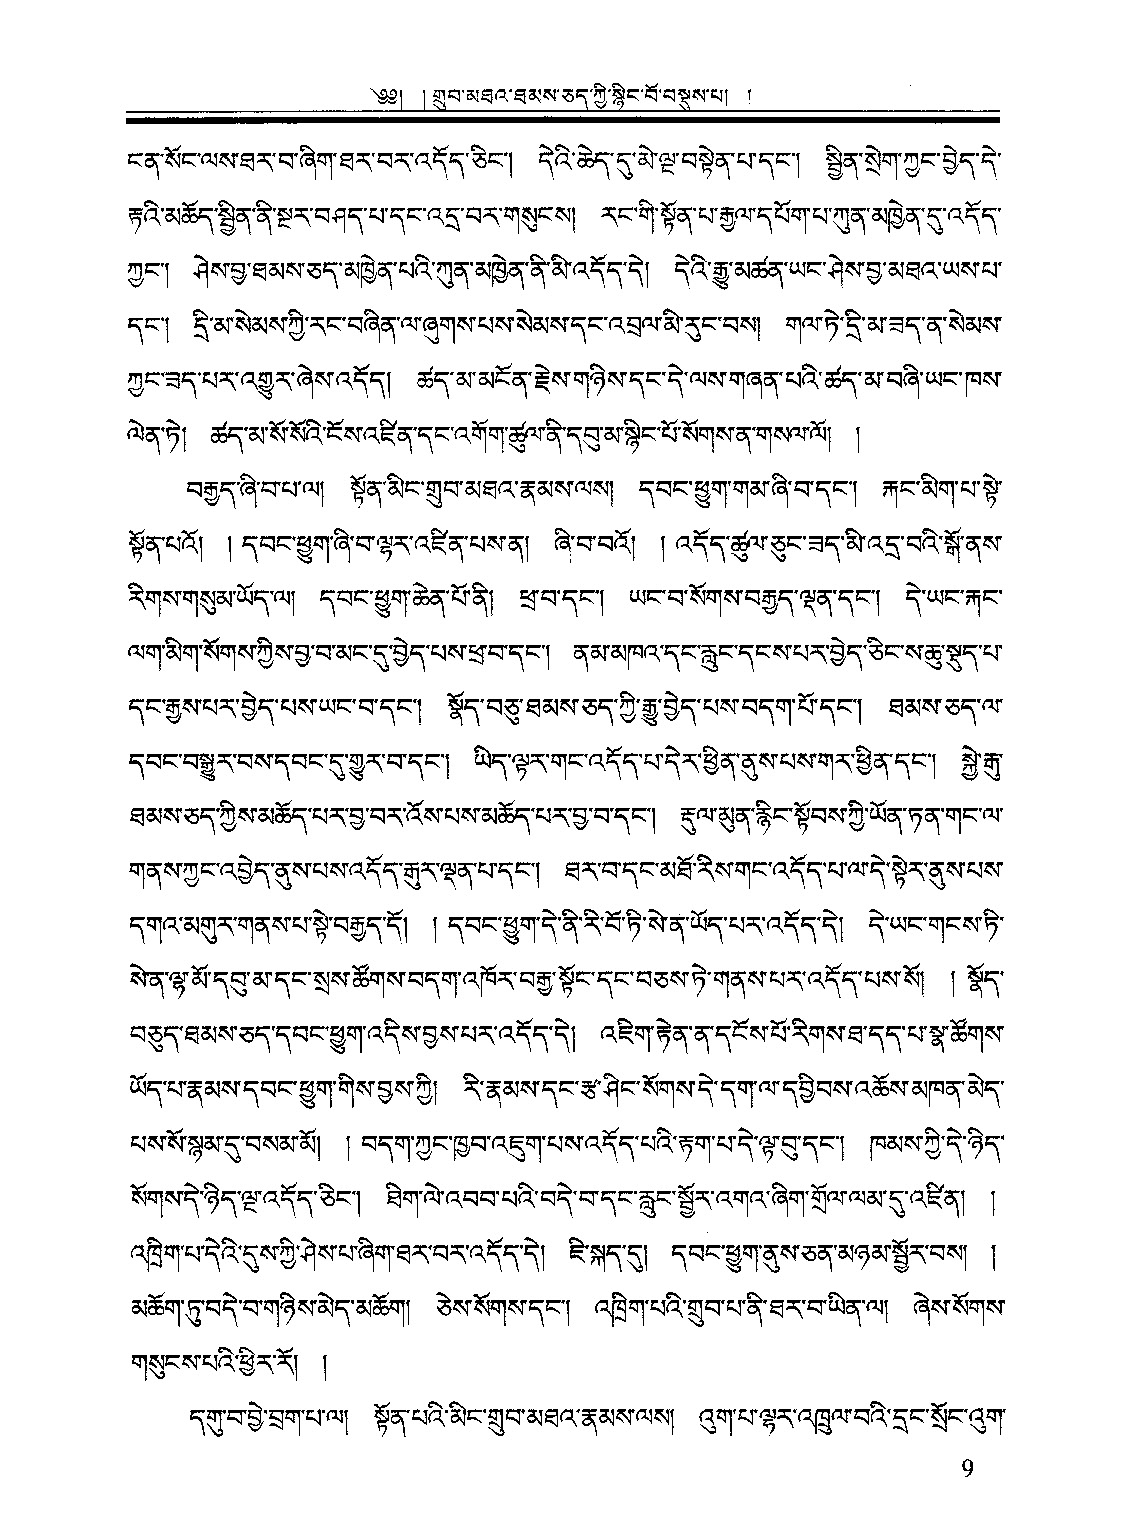ངན་སོང་ལས་ཐར་བ་ཞིག་ཐར་བར་འདོད་ཅིང་། དེའི་ཆེད་དུ་མེ་ལྔ་བསྟེན་པ་དང་། སྦྱིན་སྲེག་ཀྱང་བྱེད་དེ་
རྟའི་མཆོད་སྦྱིན་ནི་སྔར་བཤད་པ་དང་འདྲ་བར་གསུངས། རང་གི་སྟོན་པ་རྒྱལ་དཔོག་པ་ཀུན་མཁྱེན་དུ་འདོད་
ཀྱང་། ཤེས་བྱ་ཐམས་ཅད་མཁྱེན་པའི་ཀུན་མཁྱེན་ནི་མི་འདོད་དེ། དེའི་རྒྱུ་མཚན་ཡང་ཤེས་བྱ་མཐའ་ཡས་པ་
དང་། དྲི་མ་སེམས་ཀྱི་རང་བཞིན་ལ་ཞུགས་པས་སེམས་དང་འབྲལ་མི་རུང་བས། གལ་ཏེ་དྲི་མ་ཟད་ན་སེམས་
ཀྱང་ཟད་པར་འགྱུར་ཞེས་འདོད། ཚད་མ་མངོན་རྗེས་གཉིས་དང་དེ་ལས་གཞན་པའི་ཚད་མ་བཞི་ཡང་ཁས་
ལེན་ཏེ། ཚད་མ་སོ་སོའི་ངོས་འཛིན་དང་འགོག་ཚུལ་ནི་དབུ་མ་སྙིང་པོ་སོགས་ན་གསལ་ལོ། །
བརྒྱད་ཞི་བ་པ་ལ། སྟོན་མིང་གྲུབ་མཐའ་རྣམས་ལས། དབང་ཕྱུག་གམ་ཞི་བ་དང་། རྐང་མིག་པ་སྟེ་
སྟོན་པའོ། །དབང་ཕྱུག་ཞི་བ་ལྷར་འཛིན་པས་ན། ཞི་བ་བའོ། །འདོད་ཚུལ་ཅུང་ཟད་མི་འདྲ་བའི་སྒོ་ནས་
རིགས་གསུམ་ཡོད་ལ། དབང་ཕྱུག་ཆེན་པོ་ནི། ཕྲ་བ་དང་། ཡང་བ་སོགས་བརྒྱད་ལྡན་དང་། དེ་ཡང་རྐང་
ལག་མིག་སོགས་ཀྱིས་བྱ་བ་མང་དུ་བྱེད་པས་ཕྲ་བ་དང་། ནམ་མཁའ་དང་རླུང་དང་ས་པར་བྱེད་ཅིང་ས་ཆུ་སྡུད་པ་
དང་རྒྱས་པར་བྱེད་པས་ཡང་བ་དང་། སྣོད་བཅུ་ཐམས་ཅད་ཀྱི་རྒྱུ་བྱེད་པས་བདག་པོ་དང་། ཐམས་ཅད་ལ་
དབང་བསྒྱུར་བས་དབང་དུ་གྱུར་བ་དང་། ཡིད་ལྟར་གང་འདོད་པ་དེར་ཕྱིན་ནུས་པས་གར་ཕྱིན་དང་། སྐྱེ་རྒུ་
ཐམས་ཅད་ཀྱིས་མཆོད་པར་བྱ་བར་འོས་པས་མཆོད་པར་བྱ་བ་དང་། རྡུལ་མུན་རྙིང་སྟོབས་ཀྱི་ཡོན་ཏན་གང་ལ་
གནས་ཀྱང་འབྱེད་ནུས་པས་འདོད་རྒུར་ལྡན་པ་དང་། ཐར་བ་དང་མཐོ་རིས་གང་འདོད་པ་ལ་དེ་སྟེར་ནུས་པས་
དགའ་མགུར་གནས་པ་སྟེ་བརྒྱད་དོ། །དབང་ཕྱུག་དེ་ནི་རི་བོ་ཏི་སེ་ན་ཡོད་པར་འདོད་དེ། དེ་ཡང་གངས་ཏི་
སེ་ན་ལྷ་མོ་དབུ་མ་དང་སྲས་ཚོགས་བདག་འཁོར་བརྒྱ་སྟོང་དང་བཅས་ཏེ་གནས་པར་འདོད་པས་སོ། །སྣོད་
བཅུད་ཐམས་ཅད་དབང་ཕྱུག་འདིས་བྱས་པར་འདོད་དེ། འཇིག་རྟེན་ན་དངོས་པོ་རིགས་ཐ་དད་པ་སྣ་ཚོགས་
ཡོད་པ་རྣམས་དབང་ཕྱུག་གིས་བྱས་ཀྱི། རི་རྣམས་དང་རྩ་ཤིང་སོགས་དེ་དག་ལ་དབྱིབས་འཆོས་མཁན་མེད་
པས་སོ་སྙམ་དུ་བསམ་མོ། །བདག་ཀྱང་ཁྱབ་འཇུག་པས་འདོད་པའི་རྟག་པ་དེ་ལྟ་བུ་དང་། ཁམས་ཀྱི་དེ་ཉིད་
སོགས་དེ་ཉིད་ལྔ་འདོད་ཅིང་། ཐིག་ལེ་འབབ་པའི་བདེ་བ་དང་རླུང་སྦྱོར་འགའ་ཞིག་གྲོལ་ལམ་དུ་འཛིན། །
འཁྲིག་པ་དེའི་དུས་ཀྱི་ཤེས་པ་ཞིག་ཐར་བར་འདོད་དེ། ཇི་སྐད་དུ། དབང་ཕྱུག་ནུས་ཅན་མཉམ་སྦྱོར་བས། །
མཆོག་ཏུ་བདེ་བ་གཉིས་མེད་མཆོག། ཅེས་སོགས་དང་། འཁྲིག་པའི་གྲུབ་པ་ནི་ཐར་བ་ཡིན་ལ། ཞེས་སོགས་
གསུངས་པའི་ཕྱིར་རོ། །
དགུ་བ་བྱེ་བྲག་པ་ལ། སྟོན་པའི་མིང་གྲུབ་མཐའ་རྣམས་ལས། འུག་པ་ལྷར་འཁྲུལ་བའི་དྲང་སྲོང་འུག་